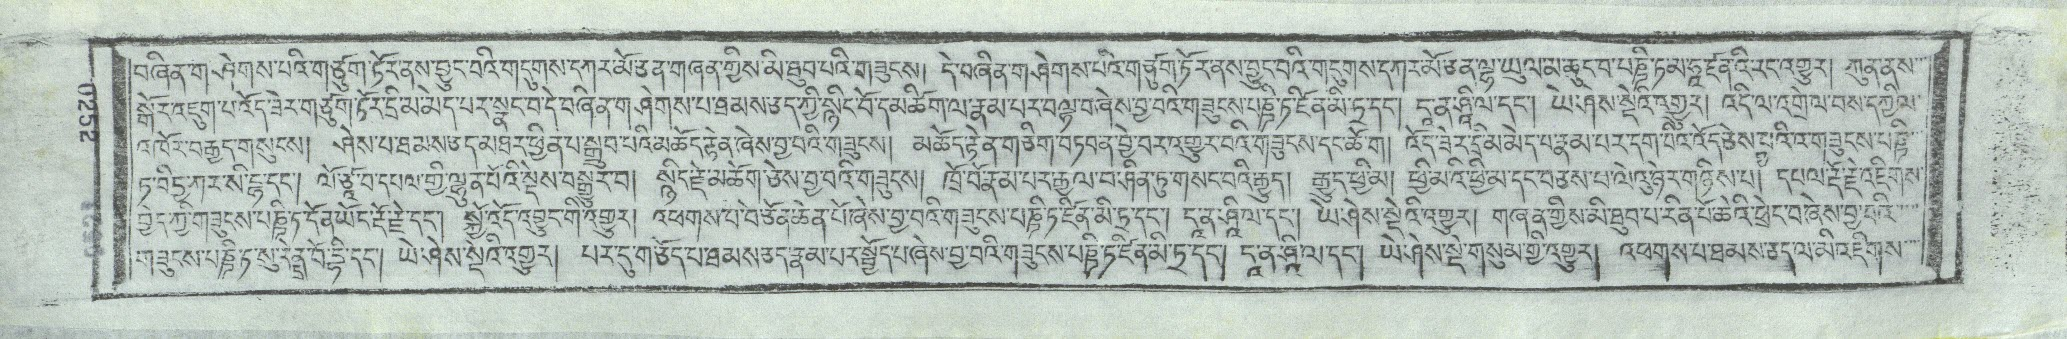བཞིན་གཤེགས་པའི་གཙུག་ཏོར་ནས་བྱུང་བའི་གདུགས་དཀར་མོ་ཅན་གཞན་གྱིས་མི་ཐུབ་པའི་གཟུངས། དེ་བཞིན་གཤེགས་པའི་གཙུག་ཏོར་ནས་བྱུང་བའི་གདུགས་དཀར་མོ་ཅན་ལྷ་ཡུལ་མ་ཆུང་བ་པཎྜི་ཏ་མ་ཧཱ་ཛ་ནའི་རང་འགྱུར། ཀུན་ནས་
སྒོར་འཇུག་པ་འོད་ཟེར་གཙུག་ཏོར་དྲི་མ་མེད་པར་སྣང་བ་དེ་བཞིན་གཤེགས་པ་ཐམས་ཅད་ཀྱི་སྙིང་བོ་དམ་ཚིག་ལ་རྣམ་པར་བལྟ་བཞེས་བྱ་བའི་གཟུངས་པཎྜི་ཏ་ཛིན་མི་ཏྲ་དང་། དཱ་ན་ཤི་ལ་དང་། ཡེ་ཤེས་སྡེ་འགྱུར། འདི་ལ་འགྲེལ་བས་དཀྱིལ་
འཁོར་བརྒྱད་གསུངས། ཤེས་པ་ཐམས་ཅད་མཐར་ཕྱིན་པ་སྒྲུབ་པའི་མཆོད་རྟེན་ཞེས་བྱ་བའི་གཟུངས། མཆོད་རྟེན་གཅིག་བཏབ་ན་བྱེ་བར་འགྱུར་བའི་གཟུངས་དང་ཆོ་ག། འོད་ཟེར་དྲི་མ་མེད་པ་རྣམ་པར་དག་བའི་འོད་ཅེས་པའི་གཟུངས་པཎྜི་
ཏ་བིདྱ་ཀར་སི་དྷ་དང་། ལོ་ཙཱ་བ་དཔལ་གྱི་ལྷུན་པོའི་སྡེས་བསྒྱུར་བ། སྙིང་རྗེ་མཆོག་ཅེས་བྱ་བའི་གཟུངས། ཁྲོ་བོ་རྣམ་པར་རྒྱལ་བ་ཤིན་ཏུ་གསང་བའི་རྒྱུད། རྒྱུད་ཕྱི་མ། ཕྱི་མའི་ཕྱི་མ་དང་བཅས་པ་ལེའུ་ཉེར་གཉིས་པ། དཔལ་རྡོ་རྗེ་འཇིགས་
བྱེད་ཀྱི་གཟུངས་པཎྜི་ཏ་དོན་ཡོང་རྡོ་རྗེ་དང་། སྐྱོ་འོད་འབྱུང་གི་འགྱུར། འཕགས་པ་བེ་ཅོན་ཆེན་པོ་ཞེས་བྱ་བའི་གཟུངས་པཎྜི་ཏ་ཛིན་མི་ཏྲ་དང་། དཱ་ན་ཤཱི་ལ་དང་། ཡེ་ཤེས་སྡེའི་འགྱུར། གཞན་གྱིས་མི་ཐུབ་པ་རིན་པོ་ཆེའི་ཕྲེང་བ་ཞེས་བྱ་བའི་
གཟུངས་པཎྜི་ཏ་སུ་རེནྡྲ་བོ་དྷི་དང་། ཡེ་ཤེས་སྡེའི་འགྱུར། པར་དུ་གཅོད་པ་ཐམས་ཅད་རྣམ་པར་སྦྱོད་པ་ཞེས་བྱ་བའི་གཟུངས་པཎྜི་ཏ་ཛིན་མི་ཏྲ་དང་། དཱ་ན་ཤཱི་ལ་དང་། ཡེ་ཤེས་སྡེ་གསུམ་གྱི་འགྱུར། འཕགས་པ་ཐམས་ཅད་ལ་མི་འཇིགས་